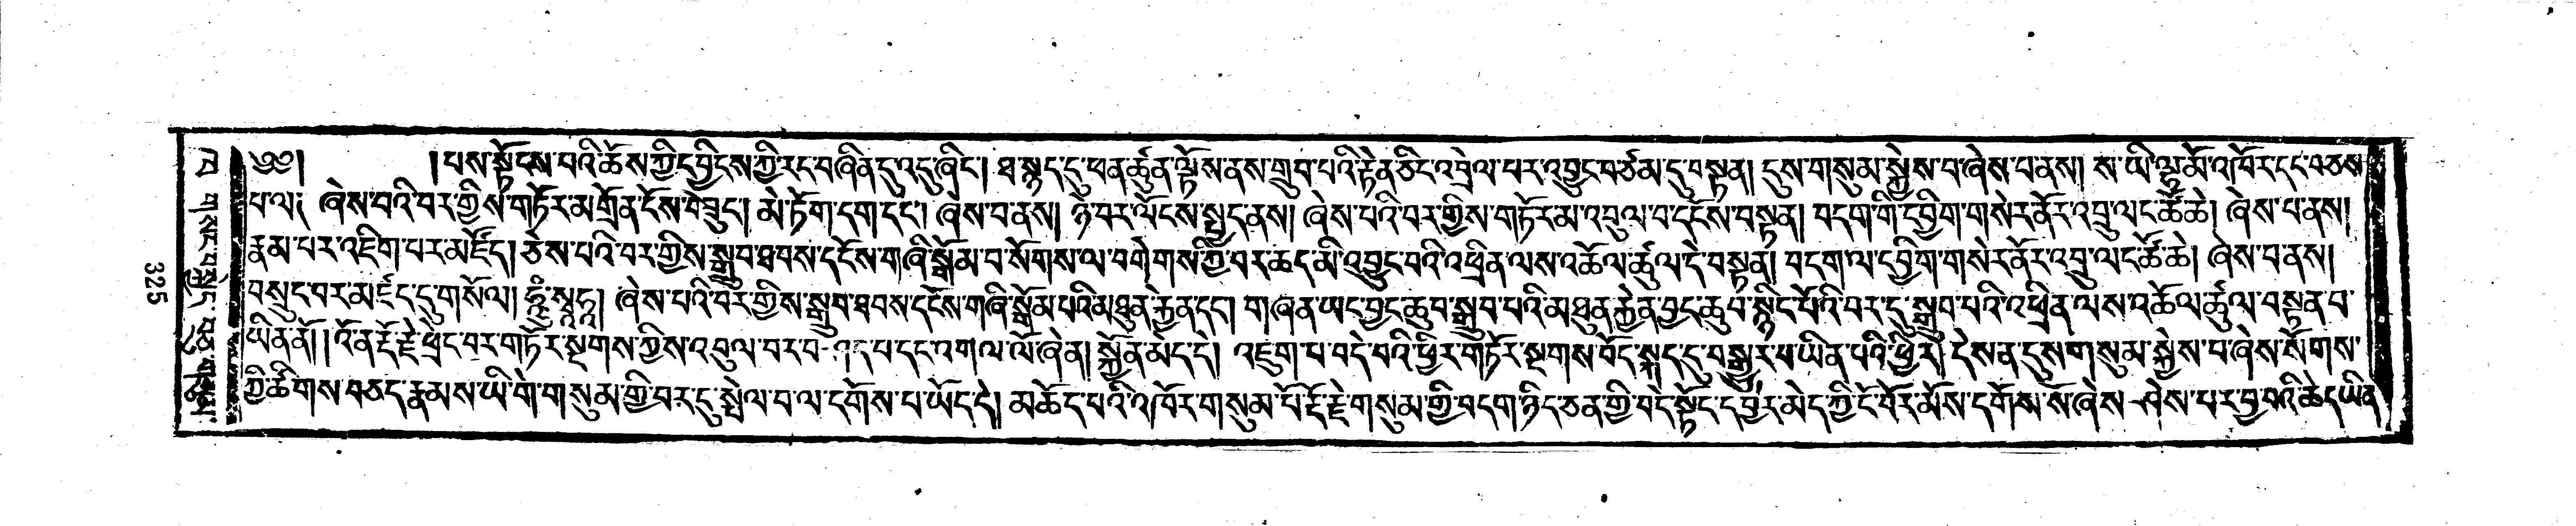༄༅། །པས་སྟོངས་པའི་ཆོས་ཀྱི་དབྱིངས་ཀྱི་རང་བཞིན་དུ་འདུ་ཞིང་། ཐ་སྙད་དུ་ཕན་ཚུན་ལྟོས་ནས་གྲུབ་པའི་རྟེན་ཅིང་འབྲེལ་པར་འབྱུང་བ་ཙམ་དུ་བསྟན། དུས་གསུམ་སྐྱེས་པ་ཞེས་པ་ནས། ས་ཡི་ལྷ་མོ་འཁོར་དང་བཅས་
པ་ལ། ཞེས་པའི་བར་གྱིས་གཏོར་མགྲོན་ངོས་བཟུང་། མེ་ཏོག་དག་དང་། ཞེས་པ་ནས། ཉེ་བར་ལོངས་སྤྱད་ནས། ཞེས་པའི་བར་གྱིས་གཏོར་མ་འབུལ་བ་དངོས་བསྟན། བདག་གི་དབྱིག་གསེར་ནོར་འབྲུ་ལང་ཚོ་ཆེ། ཞེས་པ་ནས།
རྣམ་པར་འཇིག་པར་མཛོད། ཅེས་པའི་བར་གྱིས་སྒྲུབ་ཐབས་དངོས་གཞི་སྒོམ་པ་སོགས་ལ་བགེགས་ཀྱི་བར་ཆད་མི་འབྱུང་བའི་འཕྲིན་ལས་འཆོལ་ཚུལ་དེ་བསྟན། བདག་ལ་དབྱིག་གསེར་ནོར་འབྲུ་ལང་ཚོ་ཆེ། ཞེས་པ་ནས།
བསྲུང་བར་མཛད་དུ་གསོལ། ཧཱུཾ་སྭཱཧཱ། ཞེས་པའི་བར་གྱིས་སྒྲུབ་ཐབས་དངོས་གཞི་སྒོམ་པའི་མཐུན་རྐྱེན་དང་། གཞན་ཡང་བྱང་ཆུབ་སྒྲུབ་པའི་མཐུན་རྐྱེན་བྱང་ཆུབ་སྙིང་པོའི་བར་དུ་སྒྲུབ་པའི་འཕྲིན་ལས་འཆོལ་ཚུལ་བསྟན་པ་
ཡིན་ནོ། །འོ་ན་རྡོ་རྗེ་ཕྲེང་བར་གཏོར་སྔགས་ཀྱིས་འབུལ་བར་བཤད་པ་དང་འགལ་ལོ་ཞེན། སྐྱོན་མེད་དེ། འཇུག་པ་བདེ་བའི་ཕྱིར་གཏོར་སྔགས་བོད་སྐད་དུ་བསྒྱུར་བ་ཡིན་པའི་ཕྱིར། དེས་ན་དུས་གསུམ་སྐྱེས་པ་ཞེས་སོགས་
ཀྱི་ཚིགས་བཅད་རྣམས་ཡི་གེ་གསུམ་གྱི་བར་དུ་སྤེལ་བ་ལ་དགོས་པ་ཡོད་དེ། མཆོད་པའི་འཁོར་གསུམ་པོ་རྡོ་རྗེ་གསུམ་གྱི་བདག་ཉིད་ཅན་གྱི་བདེ་སྟོང་དབྱེར་མེད་ཀྱི་ངོ་བོར་མོས་དགོས་སོ་ཞེས་ཤེས་པར་བྱ་བའི་ཚད་ཡིན་